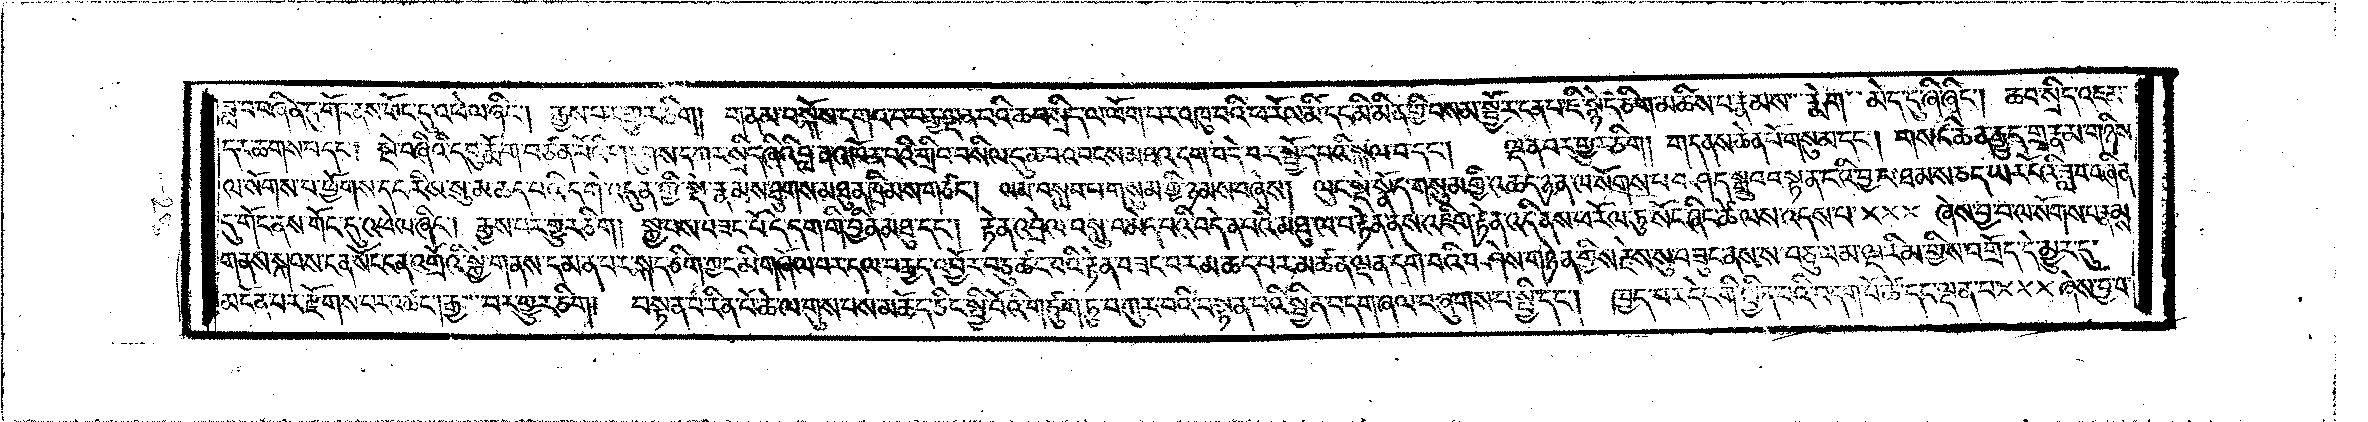ཟླ་བ་བཞིན་དུ་གོང་ནས་ཕོང་དུ་འཕེལ་ཞིང་། རྒྱས་པར་གྱུར་ཅིག །གནམ་བསྐོས་དགའ་བ་བརྒྱ་ལྡན་པའི་ཆབ་སྲིད་ལ་ལོག་པར་འཁུ་བའི་ཕ་རོལ་མི་དང་མི་མིན་གྱི་བསམ་སྦྱོར་ངན་པ་ཇི་སྙེད་ཅིག་མཚིས་པ་རྣམས་རྨེག་མེད་དུ་ཞི་ཞིང་། ཆབ་སྲིད་འཇམ་
དར་ཆགས་པ་དང་། སྡེ་བཞིའི་དབུ་རྨོག་བཙན་པོའི་གདུགས་དཀར་སྲིད་ཞིའི་བླ་ན་འཁོན་པའི་གྲིབ་བསིལ་དུ་ཆ་བ་འབངས་མཐའ་དག་བདེ་བར་སྤྱོད་པའི་སྐལ་བ་དང་། ལྡན་པར་གྱུར་ཅིག །གདན་ས་ཆེན་པོ་གསུམ་དང་། གསང་ཆེན་རྒྱུད་གྲྭ་རྣམ་གཉིས་
ལ་སོགས་པ་ཕྱོགས་དང་རིས་སུ་མཆད་པའི་དགེ་འདུན་གྱི་སྡེ་རྣམས་ཐུགས་མཐུན་ཁྲིམས་གཙང་། ལས་བསླབ་པ་གསུམ་གྱི་ཉམས་བཞེས། ལུང་སྡེ་སྣོད་གསུམ་གྱི་འཆད་ཉན་ཁ་སོགས་པ་བཤད་སྒྲུབ་བསྟན་པའི་བྱ་བ་ཐམས་ཅད་ཡར་ངོའི་ཟླ་བ་བཞིན་
དུ་གོང་ནས་གོང་དུ་འཕེལ་ཞིང་། རྒྱས་པར་གྱུར་ཅིག །སྐྱབས་བཟང་པོ་དེ་དག་གི་བྱིན་མཐུ་དང་། རྟེན་འབྲེལ་བསླུ་བ་མེད་པའི་བདེན་པའི་མཐུ་ལ་བརྟེན་ནས་འཇིག་རྟེན་འདི་ནས་ཕ་རོལ་ཏུ་སོང་ཞིང་ཚེ་ལས་འདས་པ་྾྾྾་ཞེས་བྱ་བ་ལ་སོགས་པ་རྣམས་
གནས་སྐབས་ངན་སོང་ངན་འགྲོའི་སྐྱེ་གནས་དམན་པར་སྐད་ཅིག་ཀྱང་མི་གཞོལ་བར་དལ་བརྒྱད་འབྱོར་བཅུ་ཚང་བའི་རྟེན་བཟང་བར་མ་ཆད་པར་མཚན་ལྡན་དགེ་བའི་བཤེས་གཉེན་གྱིས་རྗེས་སུ་བཟུང་ནས་ས་བཅུ་ལམ་ལྔ་རིམ་གྱིས་བགྲོད་དེ་མྱུར་དུ་
མངོན་པར་རྫོགས་པར་འཚང་། རྒྱ་བར་གྱུར་ཅིག །བསྟན་པ་རིན་པོ་ཆེ་ལ་གུས་པས་མཆོད་ཅིང་སྤྱི་བོའི་གཙུག་ཏུ་བཀུར་བའི་བསྟན་པའི་སྦྱིན་བདག་ཞལ་བཞུགས་པ་སྤྱི་དང་། ཁྱད་པར་དེང་གི་སྦྱིན་པའི་བདག་པོ་ཚེ་དང་ལྡན་པ་྾྾྾་ཞེས་བྱ་བ་